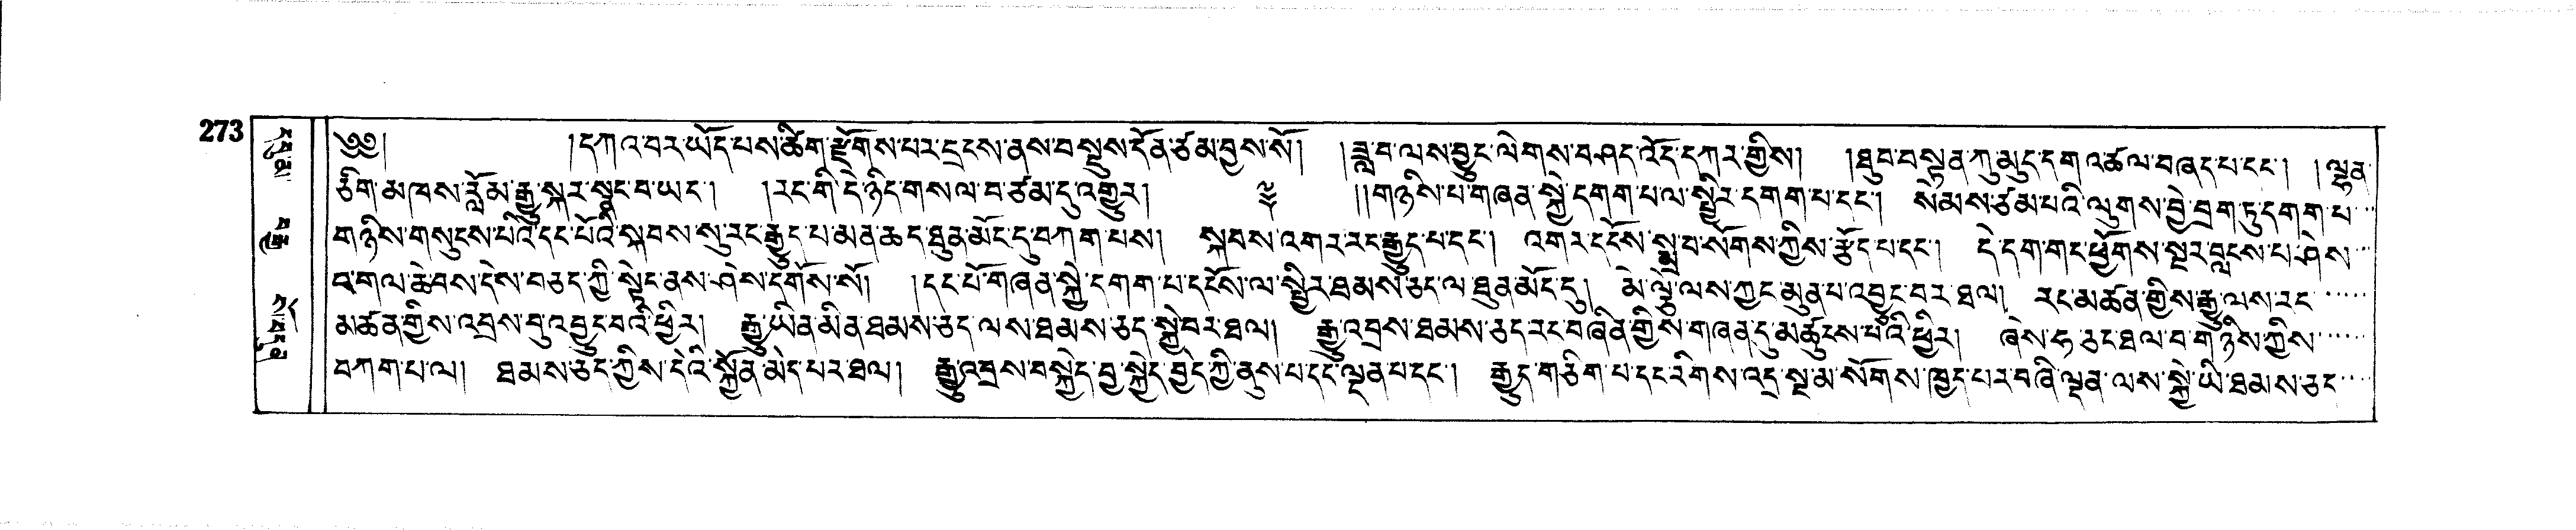༄༅། །དཀའ་བར་ཡོད་པས་ཚིག་རྫོགས་པར་དྲངས་ནས་བསྡུས་དོན་ཙམ་བྱས་སོ། །ཟླ་བ་ལས་བྱུང་ལེགས་བཤད་འོད་དཀར་གྱིས། །ཐུབ་བསྟན་ཀུ་མུད་དགའ་ཚལ་བཞད་པ་དང་། །ལྷན་
ཅིག་མཁས་རློམ་རྒྱུ་སྐར་སྣང་བ་ཡང་། །རང་གི་དེ་ཉིད་གསལ་བ་ཙམ་དུ་འགྱུར། ༈ །།གཉིས་པ་གཞན་སྐྱེ་དགག་པ་ལ་སྤྱིར་དགག་པ་དང་། སེམས་ཙམ་པའི་ལུགས་བྱེ་བྲག་ཏུ་དགག་པ་
གཉིས་གསུངས་པའི་དང་པོའི་སྐབས་སུ་རང་རྒྱུད་པ་མན་ཆད་ཐུན་མོང་དུ་བཀག་པས། སྐབས་འགར་རང་རྒྱུད་པ་དང་། འགར་དངོས་སྨྲ་བ་སོགས་ཀྱིས་རྩོད་པ་དང་། དེ་དག་གང་ཕྱོགས་སྔར་བླངས་པ་ཤེས་
བ་གལ་ཆེ་བས་དེས་བཅད་ཀྱི་སྟེང་ནས་ཤེས་དགོས་སོ། །དང་པོ་གཞན་སྐྱེ་དགག་པ་དངོས་ལ་སྤྱིར་ཐམས་ཅད་ལ་ཐུན་མོང་དུ། མེ་ལྕེ་ལས་ཀྱང་མུན་པ་འབྱུང་བར་ཐལ། རང་མཚན་གྱིས་རྒྱུ་ལས་རང་
མཚན་གྱིས་འབྲས་བུ་འབྱུང་བའི་ཕྱིར། རྒྱུ་ཡིན་མིན་ཐམས་ཅད་ལས་ཐམས་ཅད་སྐྱེ་བར་ཐལ། རྒྱུ་འབྲས་ཐམས་ཅད་རང་བཞིན་གྱིས་གཞན་དུ་མཚུངས་པའི་ཕྱིར། ཞེས་ཧ་ཅང་ཐལ་བ་གཉིས་ཀྱིས་
བཀག་པ་ལ། ཐམས་ཅད་ཀྱིས་དེའི་སྐྱོན་མེད་པར་ཐལ། རྒྱུ་འབྲས་བསྐྱེད་བྱ་སྐྱེད་བྱེད་ཀྱི་ནུས་པ་དང་ལྡན་པ་དང་། རྒྱུད་གཅིག་པ་དང་རིགས་འདྲ་སྔ་མ་སོགས་ཁྱད་པར་བཞི་ལྡན་ལས་སྐྱེ་ཡི་ཐམས་ཅད་